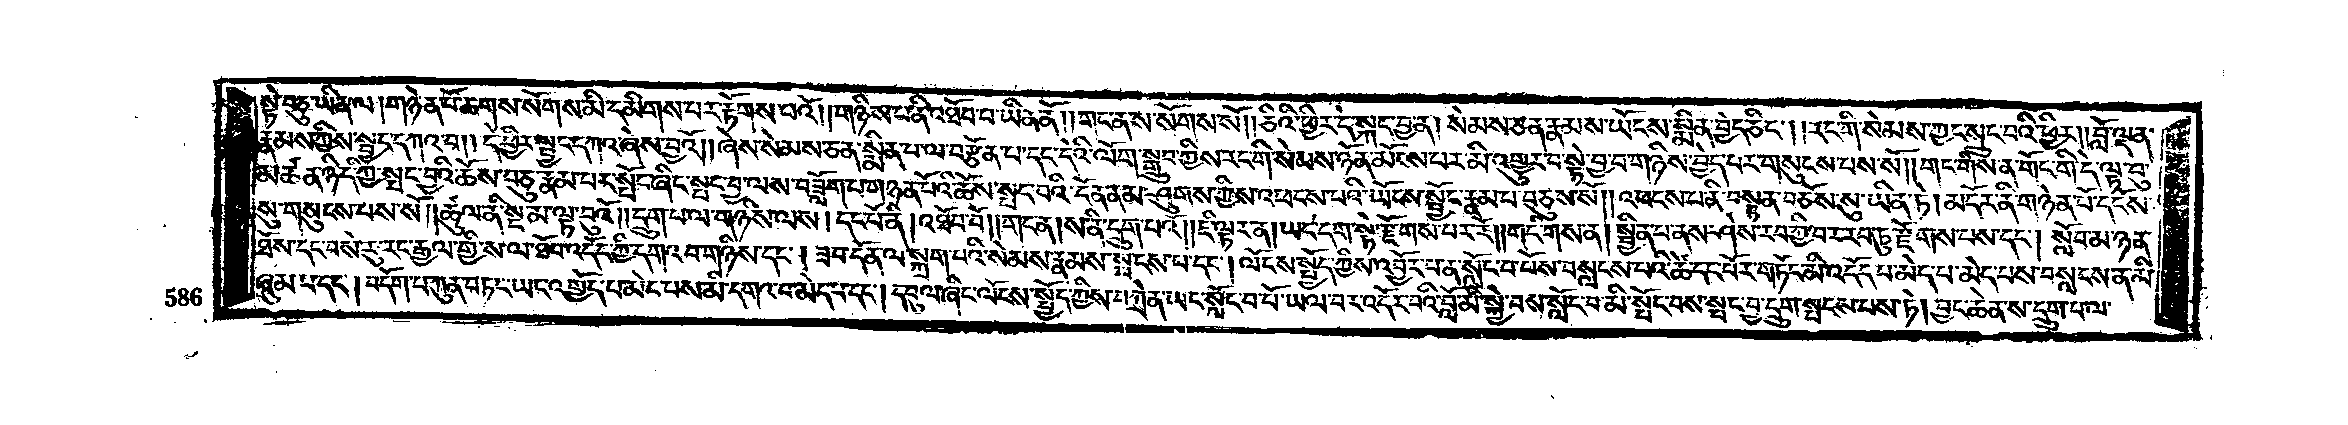སྟེ་བཅུ་ཡིན་ལ། གཉེན་པོ་ཆགས་སོགས་མི་དམིགས་པར་རྟོགས་པའོ། །གཉིས་པ་ནི་འཐོབ་པ་ཡིན་ནོ། །གང་ན་ས་སོགས་སོ། །ཅིའི་ཕྱིར་དེ་སྐད་བྱ་ན། སེམས་ཅན་རྣམས་ཡོངས་སྨིན་བྱེད་ཅིང་། །རང་གི་སེམས་ཀྱང་སྲུང་བའི་ཕྱིར། །བློ་ལྡན་
རྣམས་ཀྱིས་སྦྱང་དཀའ་བ། །དེ་ཕྱིར་སྦྱང་དཀའ་ཞེས་བྱའོ། །ཞེས་སེམས་ཅན་སྨིན་པ་ལ་བརྩོན་པ་དང་དེའི་ལོག་སྒྲུབ་ཀྱིས་རང་གི་སེམས་ཉོན་མོངས་པར་མི་འགྱུར་བ་སྟེ་བྱ་བ་གཉིས་བྱེད་པར་གསུངས་པས་སོ། །གང་གིས་ན་གོང་གི་དེ་ལྟ་བུ་
མཚན་ཉིད་ཀྱི་སྤང་བྱའི་ཆོས་བཅུ་རྣམ་པར་སྤོང་ཞིང་སྤང་བྱ་ལས་བཟློག་པ་གཉན་པོའི་ཆོས་སྤང་བའི་དོན་ནམ་ཤུགས་ཀྱིས་འཕངས་པའི་ཡོངས་སྦྱོང་རྣམ་པ་བཅུས་སོ། །འཕངས་པ་ནི་བསྟན་བཅོས་སུ་ཡིན་ཏེ། མདོར་ནི་གཉེན་པོ་དངོས་
སུ་གསུངས་པས་སོ། །ཚུལ་ནི་སྔ་མ་ལྟ་བུའོ། །དྲུག་པ་ལ་གཉིས་ལས། དང་པོ་ནི། འཐོབ་བོ། །གང་ན། ས་ནི་དྲུག་པའོ། །ཇི་ལྟར་ན། ཡང་དག་སྟེ་རྫོགས་པར་རོ། །གང་གིས་ན། སྦྱིན་པ་ནས་ཤེས་རབ་ཀྱི་བར་རབ་ཏུ་རྫོགས་པས་དང་། སློབ་མ་ཉན་
ཐོས་དང་བསེ་རུ་རང་རྒྱལ་གྱི་ས་ལ་ཐོབ་འདོད་ཀྱི་དགའ་བ་གཉིས་དང་། ཟབ་དོན་ལ་སྐྲག་པའི་སེམས་རྣམས་སྤངས་པ་དང་། ལོངས་སྤྱོད་ཀྱིས་འབྱོར་པ་ན་སློང་བ་པོས་བསླངས་པའི་ཚེ་དང་པོར་གཏོང་མི་འདོད་པ་མེད་པ་མེད་པས་བསླངས་ན་མི་
ཞུམ་པ་དང་། བདོག་པ་ཀུན་བཏང་ཡང་འགྱོད་པ་མེད་པས་མི་དགའ་བ་མེད་པ་དང་། དབུལ་ཞིང་ལོངས་སྤྱོད་ཀྱིས་བཀྲེན་ཡང་སློང་བ་པོ་ཡལ་བར་འདོར་བའི་བློ་མི་སྐྱེ་བས་སློང་བ་མི་སྤོང་བས་སྤང་བྱ་དྲུག་སྤངས་པས་ཏེ། བྱང་ཆེན་ས་དྲུག་པ་ལ་